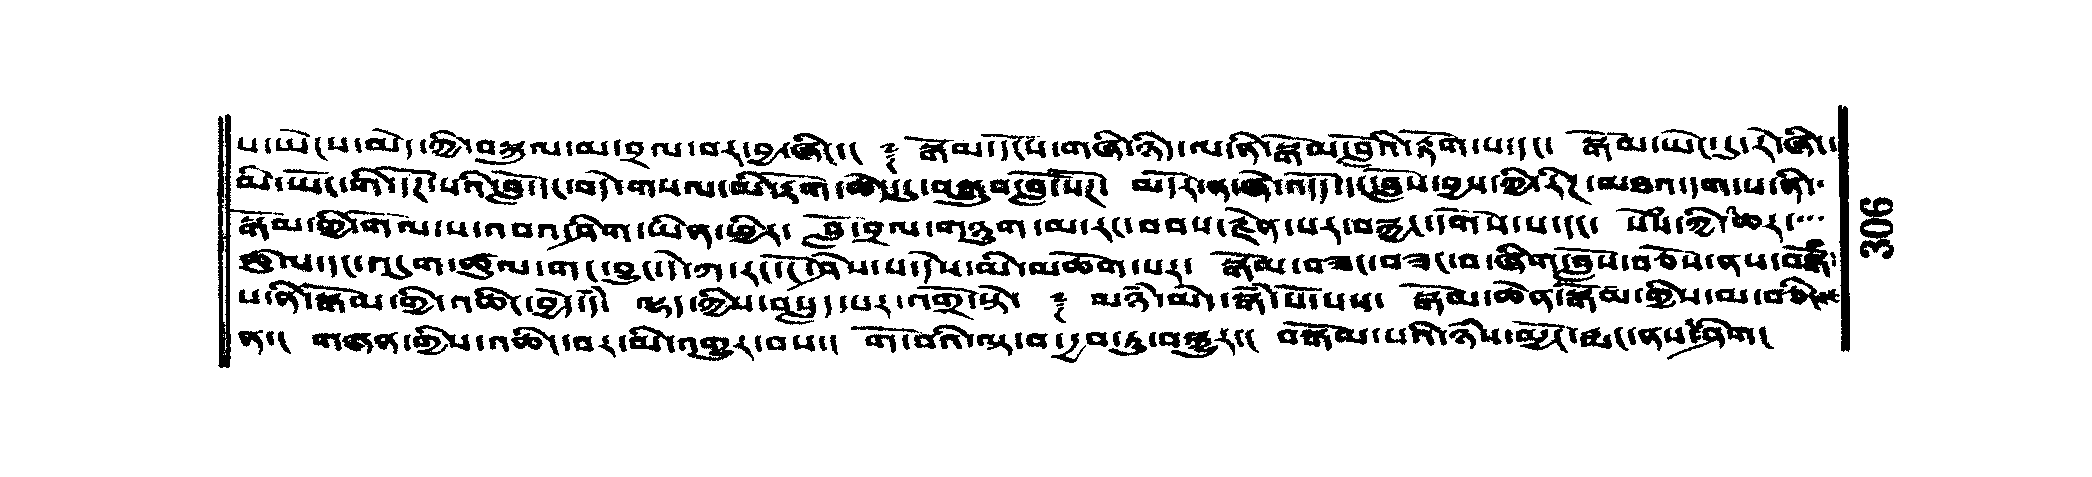པ་ཡེངས་མེད་ཀྱི་བསྐུལ་མ་བྲལ་བར་བྱ་ཞིང་། ༈ སྒོམ་དངོས་གཞི་ཉིད་ལ་ནི་སྒོམ་བློའི་རྟོག་པ་དང་། སྒོམ་ཡོང་དུ་རེ་ཞིང་
མི་ཡོང་གི་དོགས་པའི་བློ་དང་བདེ་གསལ་མི་རྟོག་ཆེད་དུ་བསྒྲུབ་བློ་སོགས། མདོར་ན་ཞེ་འདོད་དང་བློ་བྱས་ཀྱི་རིགས་མཐའ་དག་པ་ནི་
སྒོམ་གྱི་གོལ་ས་འབའ་ཤིག་ཡིན་ཕྱིར། བློ་བྲལ་གཉུག་མ་རང་བབས་རྗེན་པར་བསྐྱང་དགོས་པ་དང་། སེམས་ཀྱི་འཆར་
ཚུལ་དང་འདུག་ཚུལ་གང་བྱུང་དེ་ཀ་རང་ངོ་ཤེས་པ་དེས་མི་ཆོག་པར། སྒོམ་བཟང་བཟང་བ་ཞིག་བློས་བཅོས་ནས་བསྒོམ་
པ་ནི་སྒོམ་གྱི་འཆིང་བྱེད་དམ། ལྷད་ཀྱིས་བསླད་པར་འགྲོ་སྟེ། མཉམ་མེད་སྒམ་པོ་པས། སྒོམ་ཆེན་སྒོམ་གྱིས་མ་བཅིངས་
ན། །གཞན་གྱིས་འཆིང་བར་མི་འགྱུར་བས། །གོ་བའི་ལྟ་བ་རྒྱབ་ཏུ་བསྐྱུར། །བསྒོམ་པའི་ཉམས་མྱོང་རྨང་ནས་ཤིག